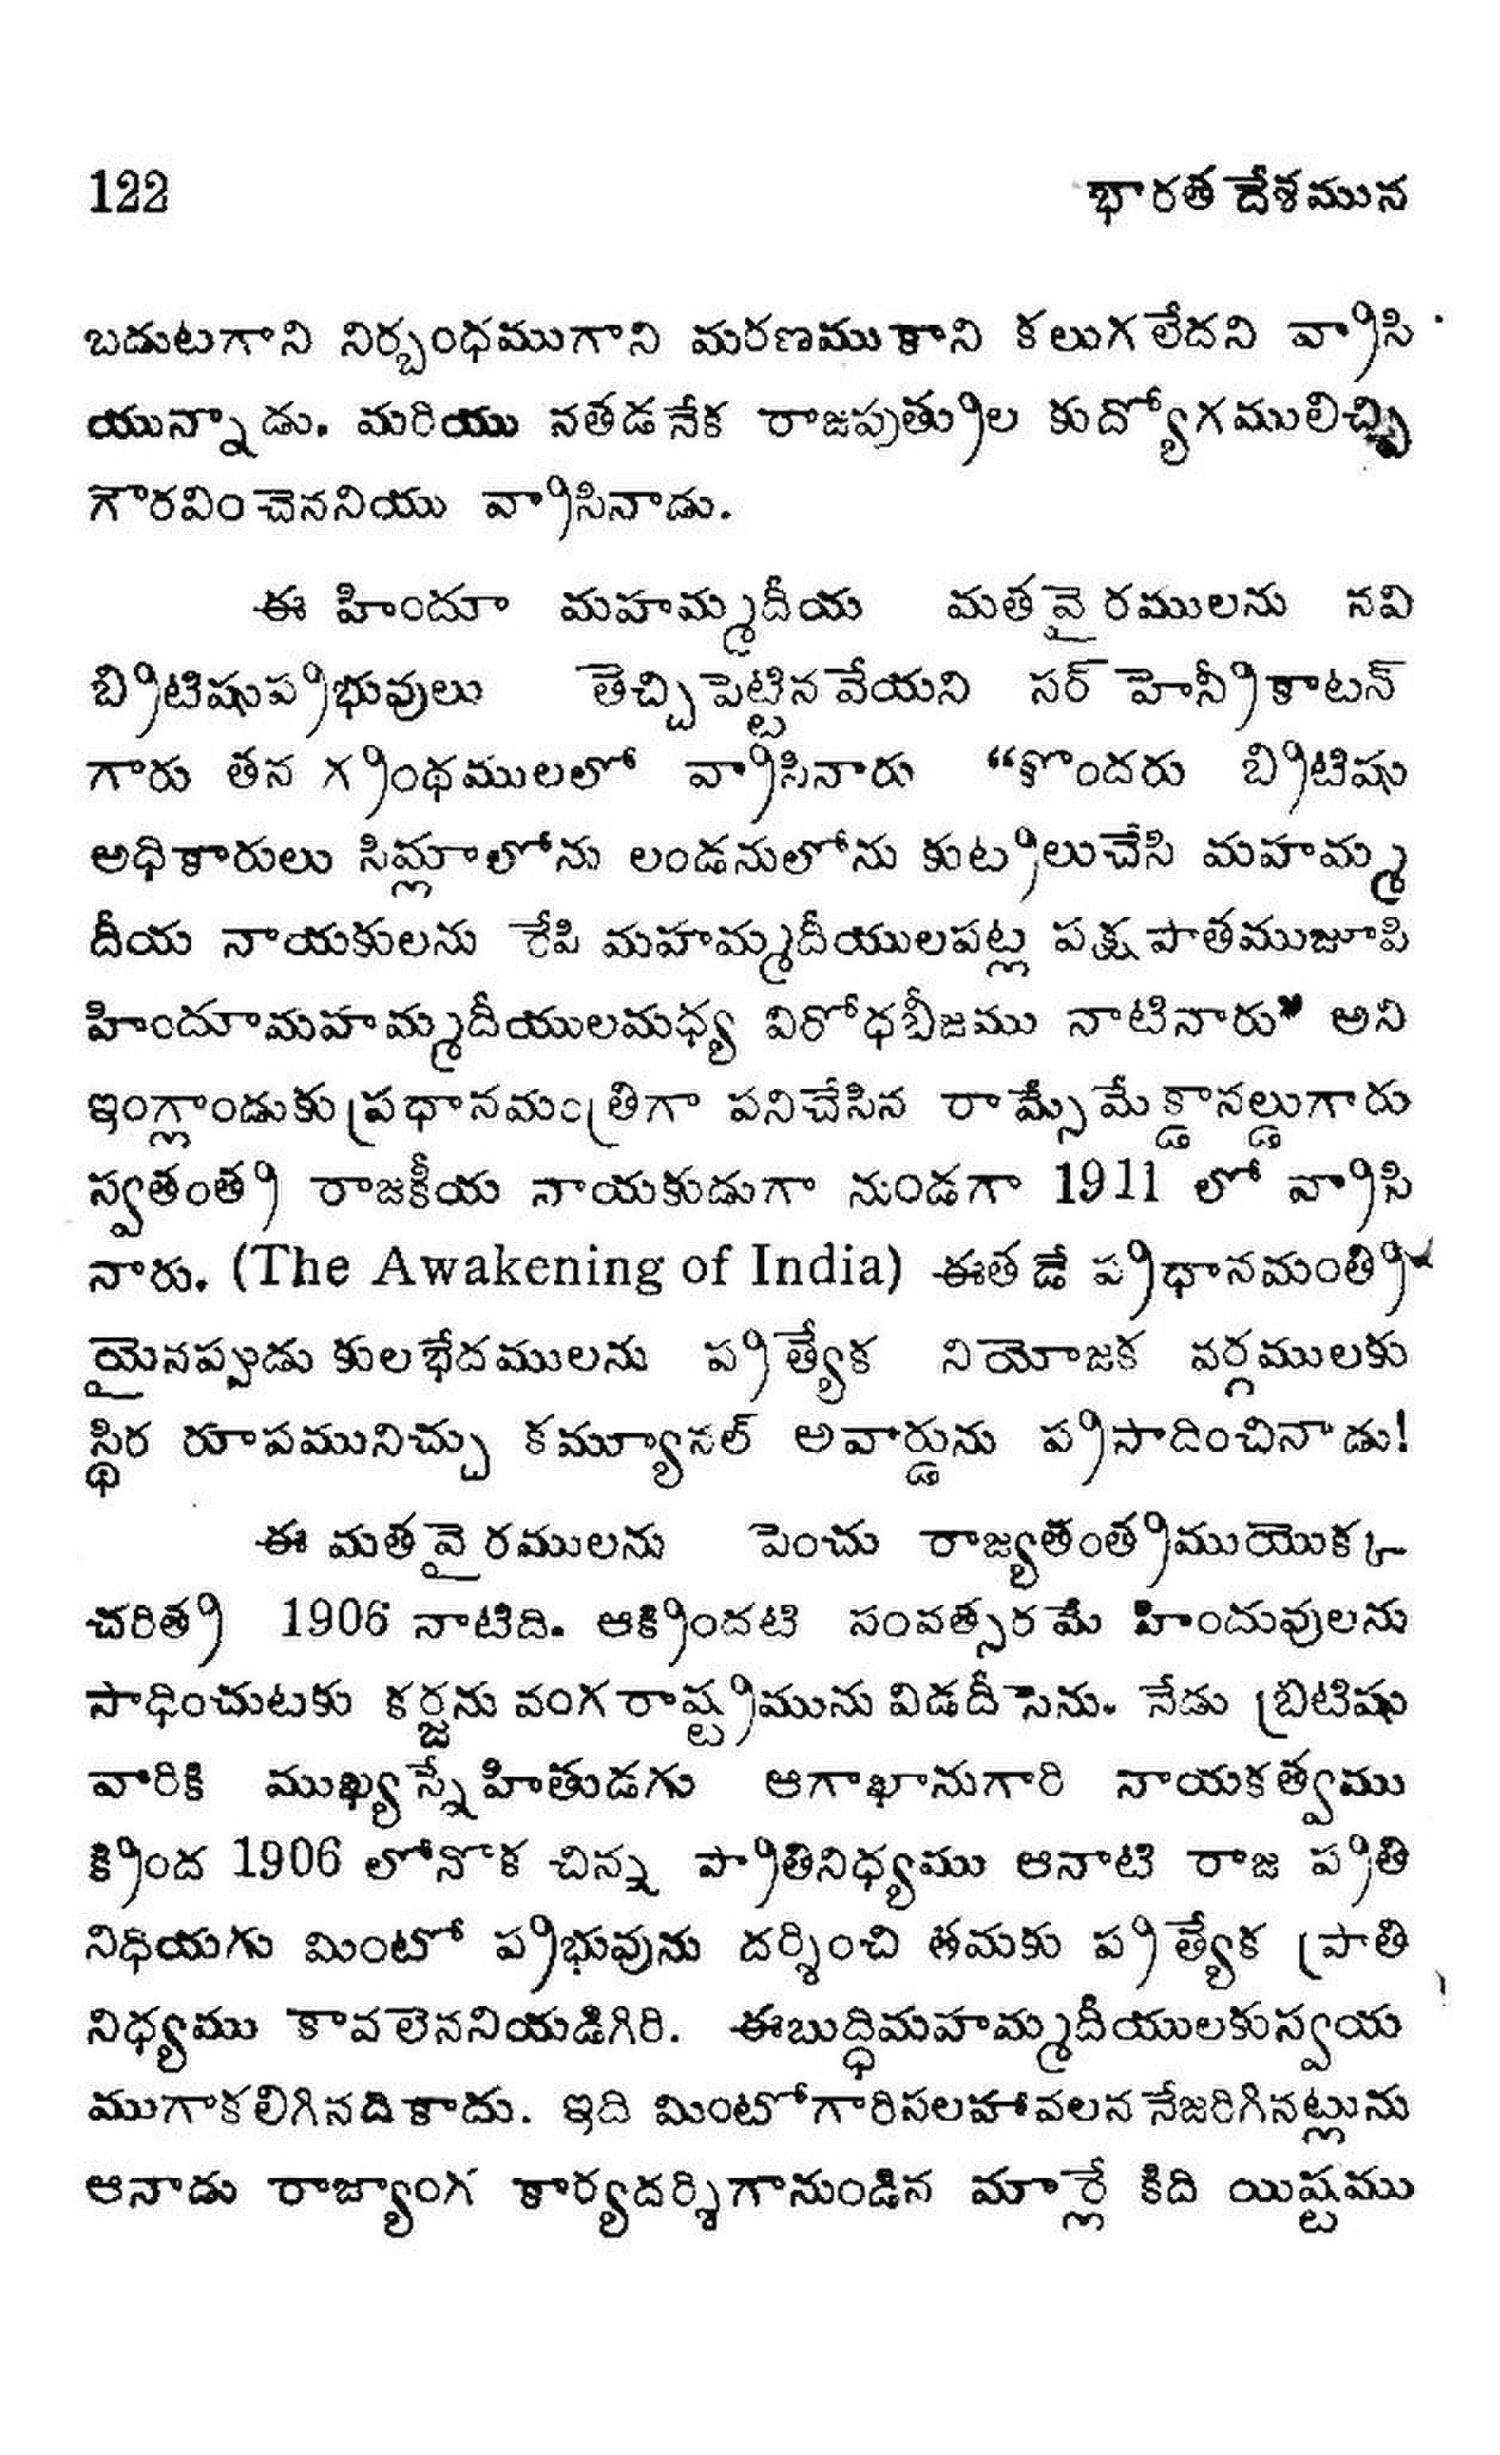బడుటగాని నిర్బంధముగాని మరణముకాని కలుగలేదని వ్రాసియున్నాడు. మరియు నతడనేక రాజపుత్రుల కుద్యోగములిచ్చి గౌరవించెననియు వ్రాసినాడు.,

ఈ హిందూ మహమ్మదీయ మతవైరములను నవి బ్రిటిషుప్రభువులు తెచ్చిపెట్టినవేయని సర్ హెన్రీకాటన్ గారు తన గ్రంథములలో వ్రాసినారు. “కొందరు బ్రిటిషు అధికారులు సిమ్లాలోను లండనులోను కుట్రలుచేసి మహమ్మదీయ నాయకులను రేపి మహమ్మదీయులపట్ల పక్షపాతముజూపి హిందూమహమ్మదీయులమధ్య విరోధబీజము నాటినారు" అని ఇంగ్లాండుకు ప్రధానమంత్రిగా పనిచేసిన రామ్సేమేక్డానల్డుగారు స్వతంత్ర రాజకీయ నాయకుడుగా నుండగా 1911 లో వ్రాసినారు. (The Awakening of India) ఈతడే ప్రధానమంత్రియైనప్పుడు కులభేదములను ప్రత్యేక నియోజక వర్గములకు స్థిర రూపమునిచ్చు కమ్యూనల్ అవార్డును ప్రసాదించినాడు!

ఈ మతవైరములను పెంచు రాజ్యతంత్రముయొక్క చరిత్ర 1906 నాటిది. ఆక్రిందటి సంవత్సరమే హిందువులను సాధించుటకు కర్జను వంగరాష్ట్రమును విడదీసెను. నేడు బ్రిటిషువారికి ముఖ్యస్నేహితుడగు ఆగాఖానుగారి నాయకత్వము క్రింద 1906 లో నొక చిన్న ప్రాతినిధ్యము ఆనాటి రాజ ప్రతినిధియగు మింటో ప్రభువును దర్శించి తమకు ప్రత్యేక ప్రాతినిధ్యము కావలెననియడిగిరి. ఈబుద్ధిమహమ్మదీయులకు స్వయముగాకలిగినదికాదు. ఇది మింటోగారి సలహావలననేజరిగినట్లును ఆనాడు రాజ్యాంగ కార్యదర్శిగానుండిన మార్లే కిది యిష్టము